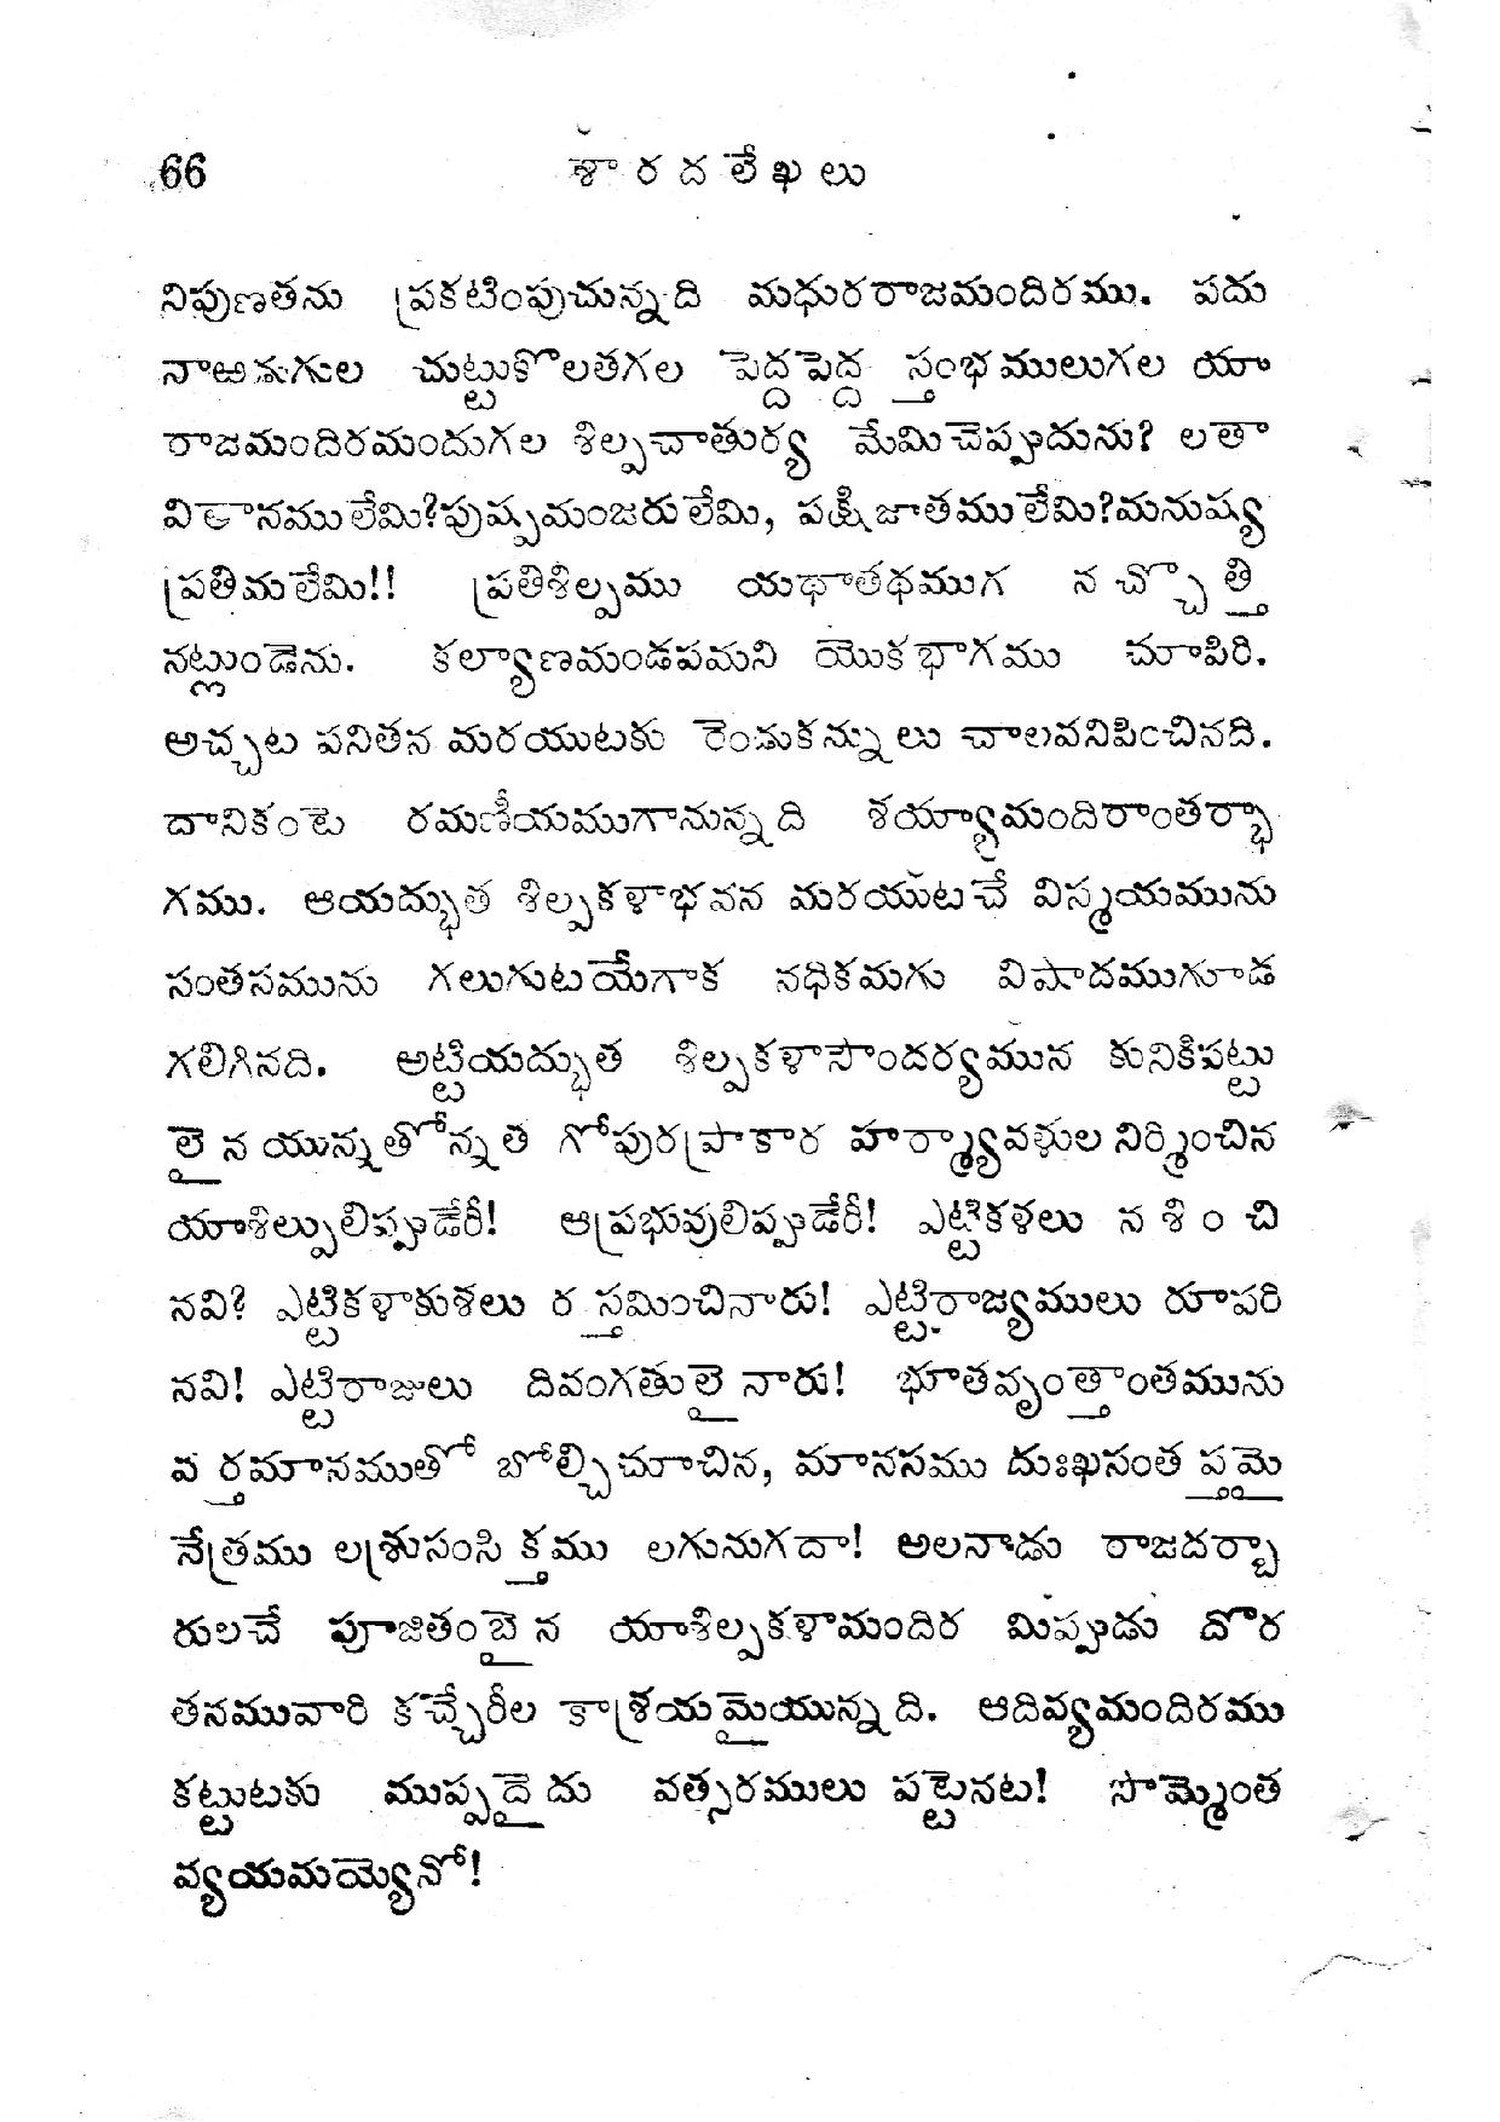నిపుణతను ప్రకటింపుచున్నది మధురరాజమందిరము. పదునాఱడుగుల చుట్టుకొలతగల పెద్దపెద్ద స్తంభములుగల యా రాజమందిరమందుగల శిల్పచాతుర్య మేమిచెప్పుదును? లతా వితానము లేమి? పుష్పమంజరులేమి, పక్షిజాతము లేమి? మనుష్య ప్రతిమలేమి!! ప్రతిశిల్పము యథాతథముగ నచ్చొత్తి
నట్లుండెను. కల్యాణమండపమని యొకభాగము చూపిరి. అచ్చట పనితన మరయుటకు రెండుకన్నులు చాలవనిపించినది. దానికంటె రమణీయముగానున్నది శయ్యమందిరాంతర్భాగము. ఆయద్భుత శిల్పకళాభవన మరయుటచే విస్మయమును సంతసమును గలుగుటయేగాక నధికమగు విషాదముగూడ
గలిగినది. అట్టియద్భుత శిల్పకళాసౌందర్యమున కునికిపట్టులైన యున్నతోన్నత గోపురప్రాకార హర్మ్యావళుల నిర్మించిన యాశిల్పులిప్పుడేరీ! ఆప్రభువులిప్పుడేరీ! ఎట్టికళలు నశించినవి? ఎట్టికళాకుశలు రస్తమించినారు! ఎట్టిరాజ్యములు రూపరినవి! ఎట్టిరాజులు దివంగతులైనారు! భూతవృంత్తాంతమును వర్తమానముతో బోల్చిచూచిన, మానసము దుఃఖసంతప్తమై నేత్రము లశ్రుసంసిక్తము లగునుగదా! అలనాడు రాజదర్బారులచే పూజితంబైన యాశిల్పకళామందిర మిప్పుడు దొరతనమువారి కచ్చేరీల కాశ్రయమైయున్నది. ఆదివ్యమందిరము కట్టుటకు ముప్పదైదు వత్సరములు పట్టెనట! సొమ్మెంత వ్యయమయ్యెనో!